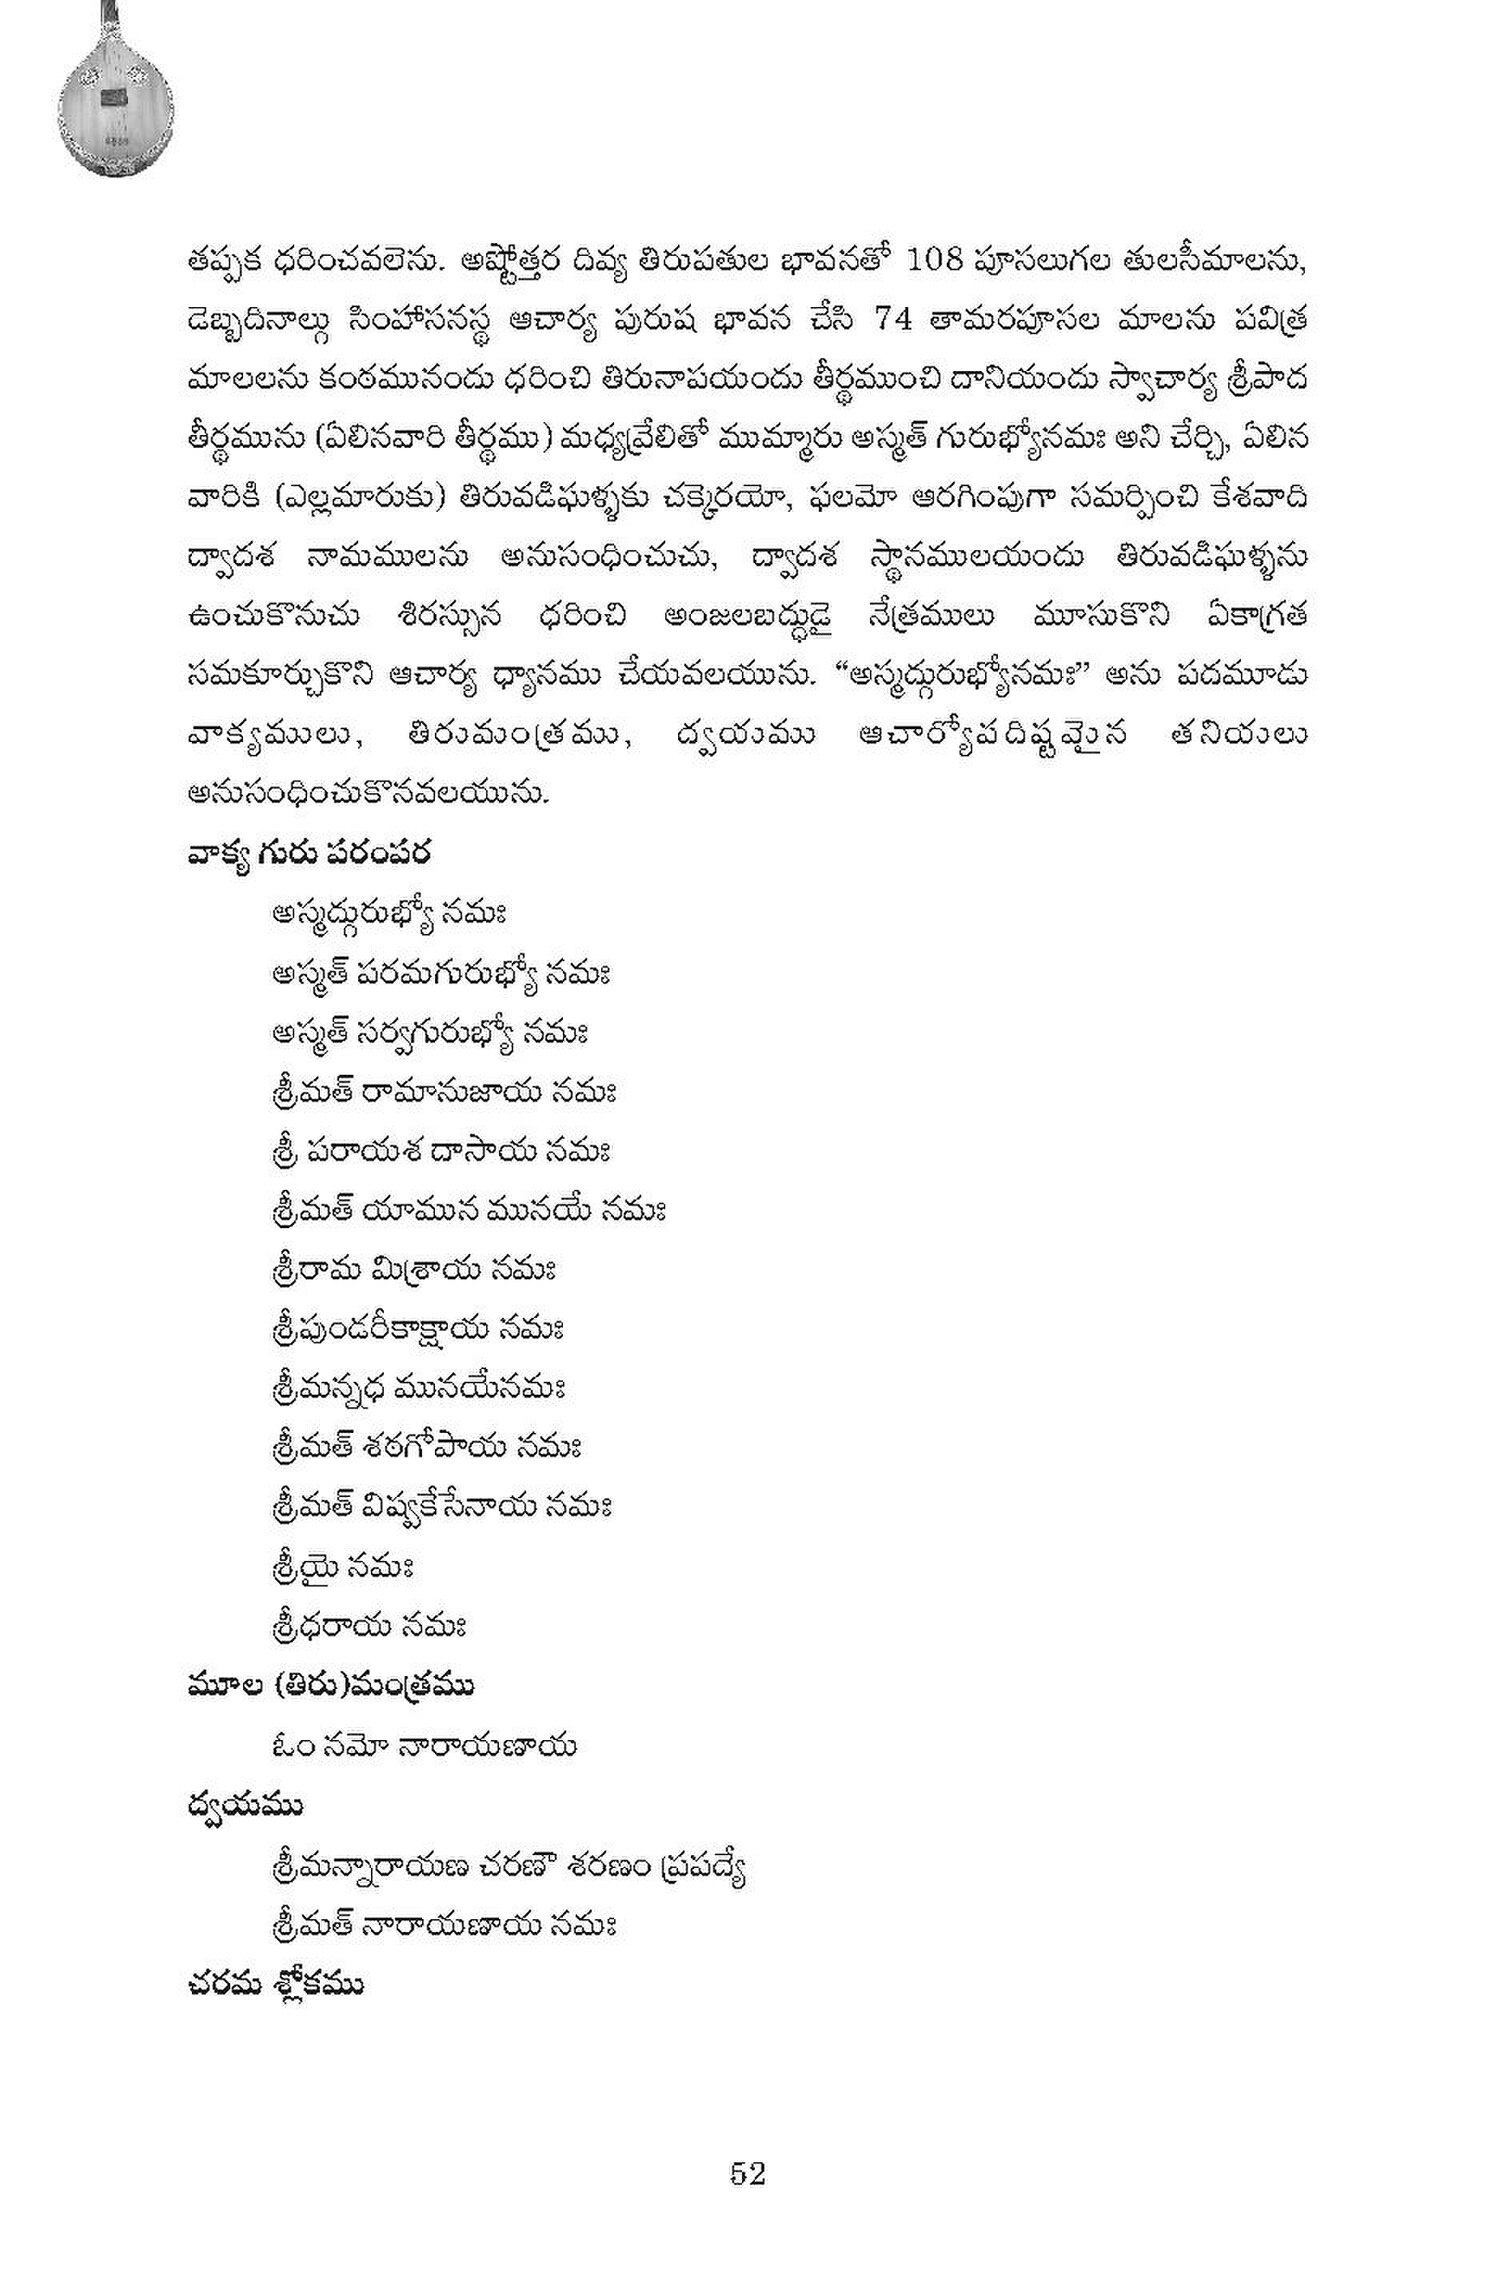తప్పక ధరించవలెను. అష్టోత్తర దివ్య తిరుపతులు భావనతో 108 పూసలుగల తులసీమాలను, డెబ్బదినాల్గు సింహాసనస్థ ఆచార్య పురుష భావన చేసి 74 తామరపూసల మాలను పవిత్రమాలలను కంఠమునందు ధరించి తిరునాపయందు తీర్థముంచి దానియందు స్వాచార్య శ్రీపాద తీర్థమును (ఏలినవారి తీర్థము) మధ్యవ్రేలితో ముమ్మారు అస్మత్ గురుభ్యోనమః అని చేర్చి, ఏలిన వారికి (ఎల్లమారుకు) తిరువడిఘళ్ళకు చక్కెరయో, ఫలమో ఆరగింపుగా సమర్పించి కేశవాది ద్వాదశ నామములను అనుసంధించుచు, ద్వాదశ స్థానములయందు తిరువడిఘళ్ళను ఉంచుకొనుచు శిరస్సున ధరించి అంజలబద్ధుడై నేత్రములు మూసుకొని ఏకాగ్రత సమకూర్చుకొని ఆచార్య ధ్యానము చేయవలయును. “అస్మద్గురుభ్యోనమః" అను పదమూడు వాక్యములు, తిరుమంత్రము, ద్వయము ఆచార్యోపదిష్టమైన తనియలు అనుసంధించుకొనవలయును.

వాక్య గురు పరంపర 

అస్మద్గురుభ్యో నమః
అస్మత్ పరమగురుభ్యో నమః
అస్మత్ సర్వగురుభ్యో నమః
శ్రీమత్ రామానుజాయ నమః
శ్రీ పరాయశ దాసాయ నమః
శ్రీమత్ యామున మునయే నమః
శ్రీరామ మిశ్రాయ నమః
శ్రీపుండరీకాక్షాయ నమః
శ్రీమన్నధ మునయేనమః
శ్రీమత్ శఠగోపాయ నమః
శ్రీమత్ విష్వకేసేనాయ నమః
శ్రీయై నమః
శ్రీధరాయ నమః

మూల (తిరు) మంత్రము 

ఓం నమో నారాయణాయ

ద్వయము 

శ్రీమన్నారాయణ చరణా శరణం ప్రపద్యే
శ్రీమత్ నారాయణాయ నమః

చరమ శ్లోకము